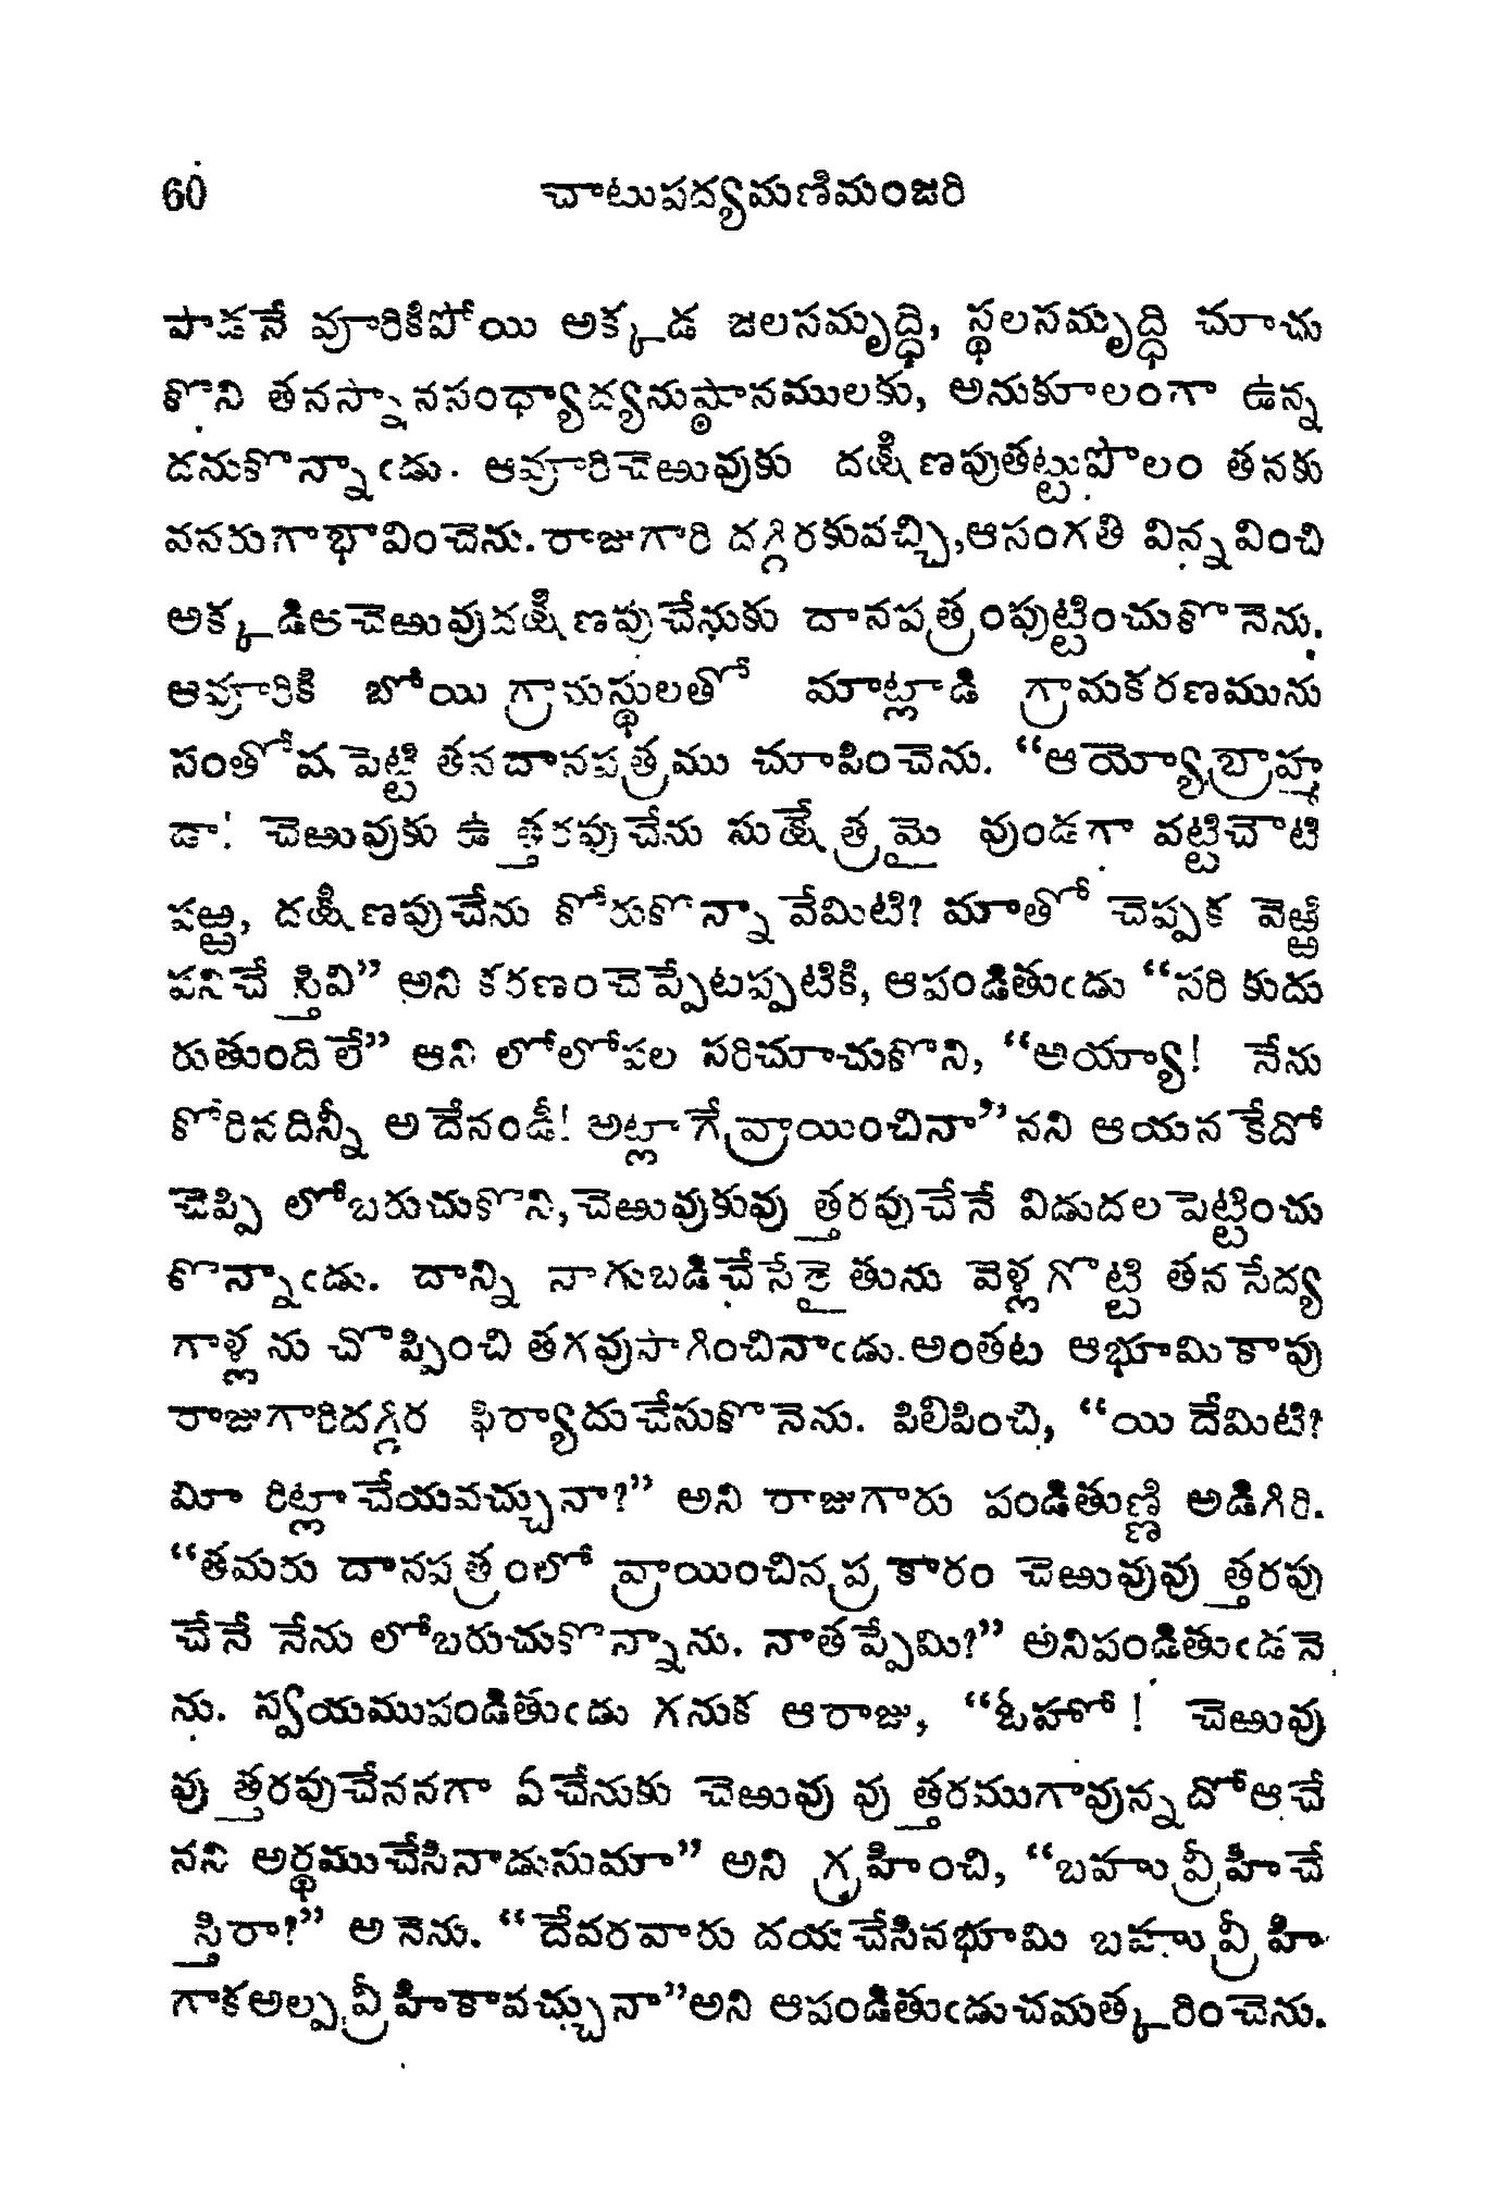పా డనే వూరికి పోయి అక్కడ జలసమృద్ధి, స్థలసమృద్ధి చూచుకొని తన స్నానసంధ్యానుష్ఠానములకు అనుకూలంగా ఉన్నదనుకొన్నాఁడు. ఆ వూఱి చెఱువుకు దక్షిణపు తట్టు పొలం తనకు వనరుగా భావించెను. రాజుగారి దగ్గిరకు వచ్చి, ఆ సంగతి విన్నవించి అక్కడు ఆ చెఱవు దక్షిణపు చేనుకు దానపత్రము పుట్టించుకొనెను. ఆ వూరికి బోయి గ్రామస్తులతో మాట్లాడి గ్రామకరణమును సంతోషపెట్టి తన దానపత్రము చూపించెను. “అయ్యో బ్రాహ్మడా! చెఱువుకు ఉత్తరపు చేను సుక్షేత్రమై వుండగా వట్టి చౌటిపఱ్ఱ, దక్షిణపు చేను కోరుకొన్నావేమిటి? మాతో చెప్పక వెఱ్ఱిపని చేస్తివి” అని కరణం చెప్పేటప్పటికి, ఆ పండితుఁడు “సరి కుదురుతుందిలే” అని లోలోపల సరిచూచుకొని, “అయ్యా! నేను కోరినదిన్నీ అదేనండీ! అట్లాగే వ్రాయించినా” నని ఆయనకేదో చెప్పి లోబరుచుకొని, చెఱువు కుత్తరపు చేనే విడుదల పెట్టించుకొన్నాఁడు. దాన్ని సాగుబడిచేసే రైతును వెళ్ళగొట్టి తన సేద్యగాళ్ళను చొప్పించి తగువు సాగించినాఁడు. అంతట ఆ భూమి కాపు రాజుగారి దగ్గిర ఫిర్యాదు చేసుకొనెను. పిలిపించి, “యిదేమిటి? మీరిట్లా చేయవచ్చునా?” అని రాజుగారు పండితుణ్ణి అడిగిరి. “తమరు దానపత్రంలో వ్రాయించిన ప్రకారం చెఱువు వుత్తరపు చేనే నేను లోబరుచుకొన్నాను. నా తప్పేమి?” అని పండితుఁ డనెను. స్వయము పండితుఁడు గనుక ఆ రాజు, “ఓహో! చెఱువు వుత్తరపు చేననగా ఏ చేనుకు చెఱువు వుత్తరముగా వున్నదో ఆ చేనని అర్థము చేసినాఁడు సుమా” అని గ్రహించి “బహువ్రీహి చేస్తిరా?” అనెను. “దేవరవారు దయచేసిన భూమి బహువ్రీహిగాక అల్పవ్రీహి కావచ్చునా” అని ఆ పండితుఁడు చమత్కరించెను.